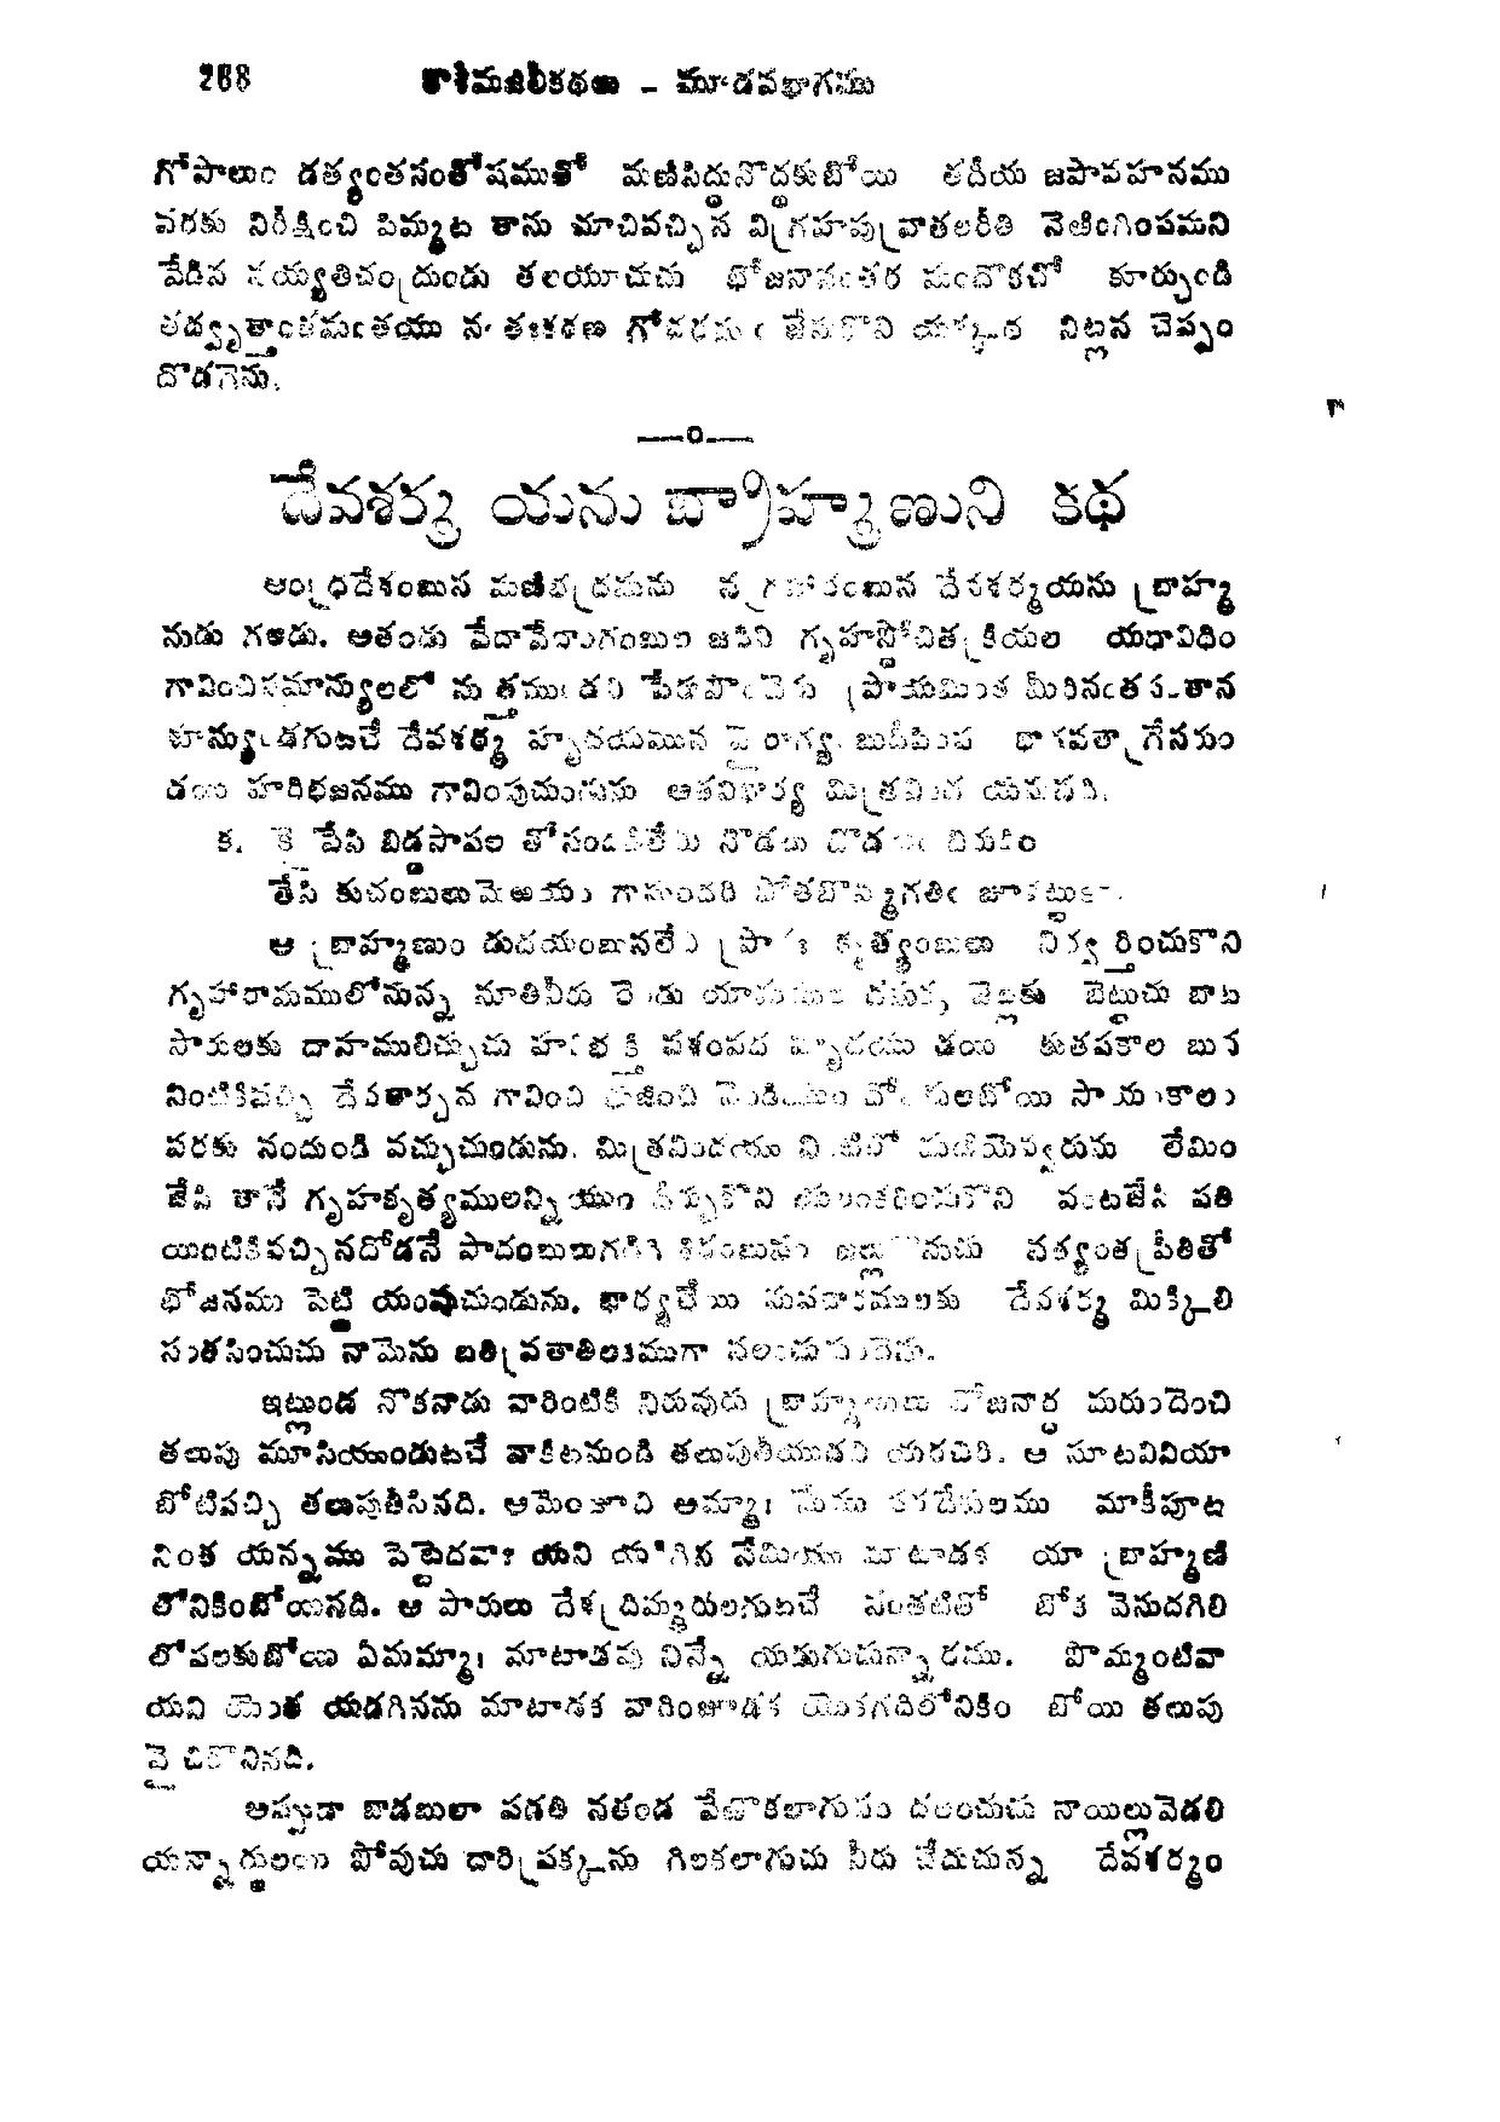గోపాలుం డత్యంతసంతోషముతో మణిసిద్ధునొద్దకుబోయి తదీయ జపావహనము వరకు నిరీక్షించి పిమ్మట తాను చూచివచ్చిన విగ్రహపువ్రాతలరీతి నెఱింగింపమని వేడిన నయ్యతిచంద్రుండు తలయూచుచు భోజునానంతర మందొకచో కూర్చుండి తద్వృత్తాంతమంతయు నంతఃకరణగోచరముఁ జేసుకొని యక్కథ నిట్లన చెప్పం దొడగెను.

దేవశర్మ యను బ్రాహ్మణుని కథ

ఆంధ్రదేశంబున మణిభద్రమను నగ్రహారంబున దేవశర్మయను బ్రాహ్మనుడు గలడు. అతండు వేదవేదాగంబుల జదివి గృహస్దోచితక్రియల యథావిధిం గావించినమాన్యులలో నుత్తముఁడని పేరుపొందెను ప్రాయమింత మీరినంత సంతానశూన్యుండగుటచే దేవశర్మ హృదయమున వైరాగ్యంబు దీపింప భాగవతాగ్రేసరుండయి హరిభజనము గావింపుచుండును అతనిభార్య మిత్రవింత యనునది.

క. కై సేసి బిడ్డపాపలతో సందడిలేమి నొడలు దొడలుఁ బిరుదిం
 తేసి కుచంబులు మెఱయం గాసుందరి పోతబొమ్మగతిఁ జూపట్టున్.
ఆ బ్రాహ్మణుం డుదయంబునలేచి ప్రాతఃకృత్యంబులు నిర్వర్తించుకొని గృహారామములోనున్న నూతినీరు రెండు యామముల దనుకఁ జెట్లకు బెట్టుచు బాటసారులకు దాహములిచ్చుచు హరిభక్తి వశంవదహృదయుండయి కుతపకాలంబున నింటికివచ్చి దేవతార్చన గావించి భుజించి వెండియుం దోఁకులబోయి సాయంకాలం వరకు నందుండి వచ్చుచుండును. మిత్రవిందయు నింటిలో మఱియెవ్వరును లేమిం జేసి తానే గృహకృత్యములన్నియుం దీర్చుకొని యలంకరించుకొని వంటజేసి పతి యింటికివచ్చినదోడనే పాదంబులుగడిగి శిరంబునం జల్లుకొనుచు నత్యంతప్రీతితో భోజనము పెట్టి యంపుచుండును. భార్యచేయు నుపచారములకు దేవశర్మ మిక్కిలి సంతసించుచు నామెను బతివ్రతాతిలకముగా దలంచుచుండెను.

ఇట్లుండ నొకనాడు వారింటికి నిరువురు బ్రాహ్మణులు బోజనార్ధ మరుదెంచి తలుపు మూసియుండుటచే వాకిటనుండి తలుపుతీయుడని యరచిరి. ఆ మాట విని యాబోటి వచ్చి తలుపుతీసినది. ఆమెం జూచి అమ్మా! మేము పరదేశులము మా కీపూట నింత యన్నము పెట్టెదవా? యని యడిగిన నేమియు మాటాడక యా బ్రాహ్మణి లోనికింబోయినది. ఆ పారులు దేశద్రిమ్మరులగుటచే నంతటితో బోక వెనుదగిలి లోపలకుబోయి ఏమమ్మా! మాటాడవు నిన్నే యడుగుచున్నారము. పొమ్మంటివా యని యెంత యడగినను మాటాడక వాగింజూడక యొకగదిలోనికిం బోయి తలుపు వైచికొనినది.

అప్పుడా బాడబులా పడతి నతండ వేఱొకలాగునం దలంచుచు నాయిల్లువెడలి యన్నార్థులయి పోవుచు దారిప్రక్కను గిలకలాగుచు నీరు చేదుచున్న దేవశర్మం